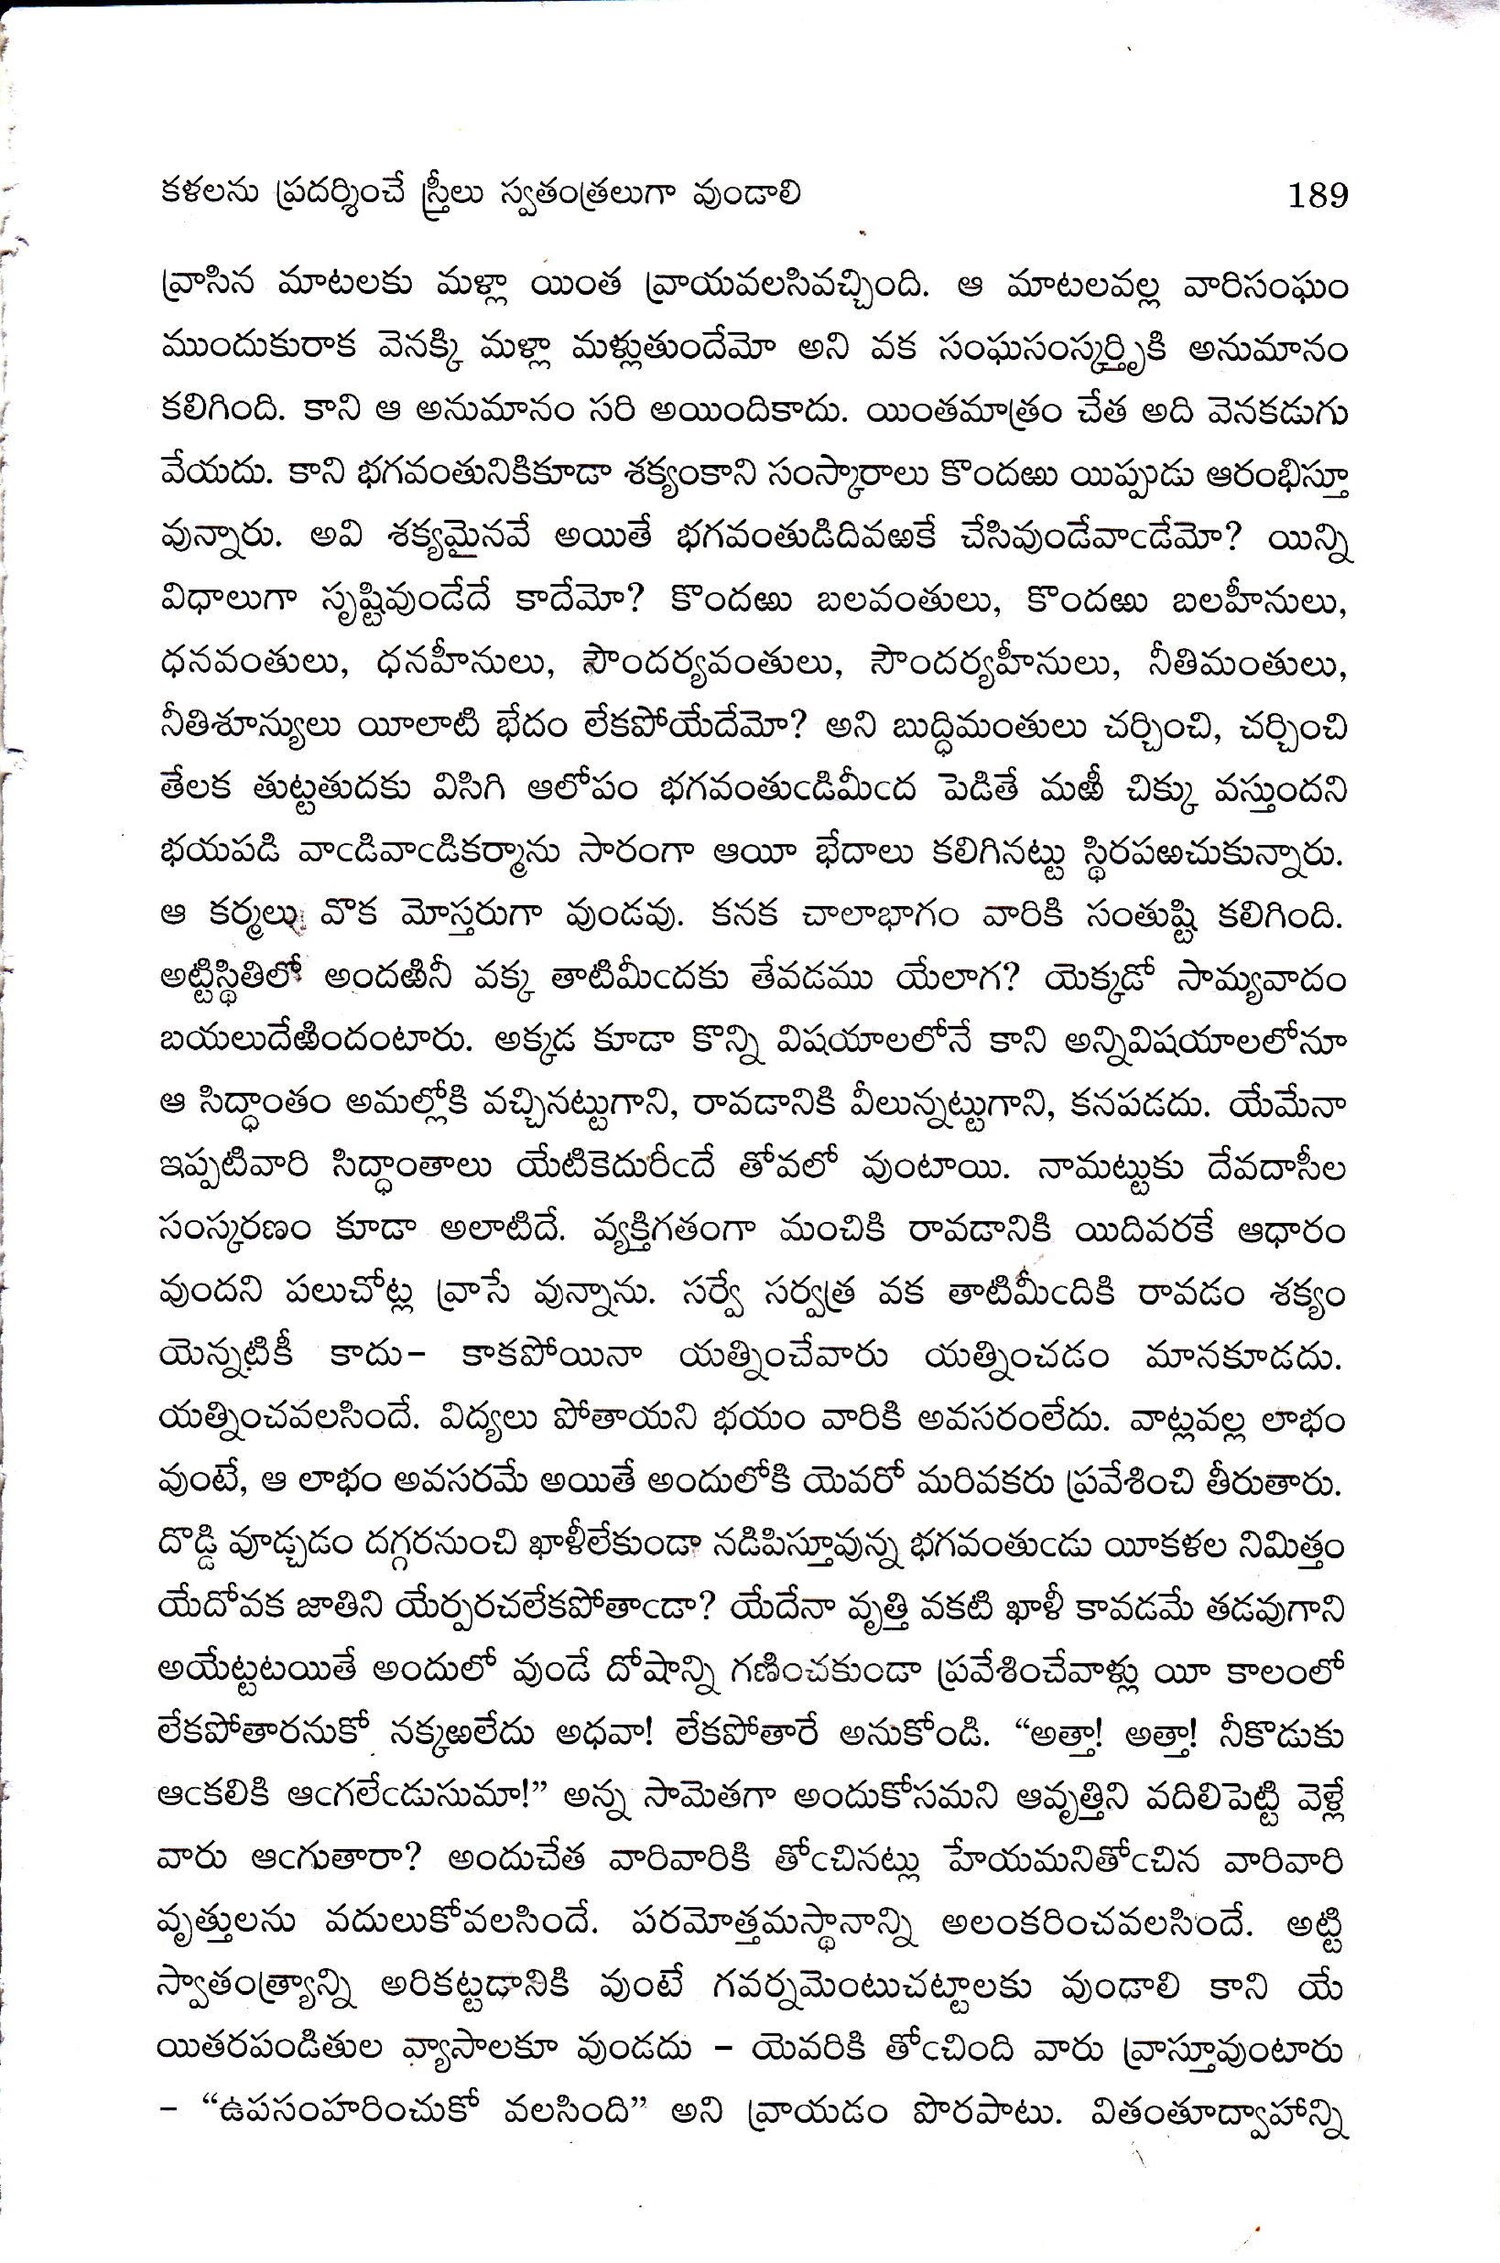వ్రాసిన మాటలకు మళ్లా యింత వ్రాయవలసివచ్చింది. ఆ మాటలవల్ల వారిసంఘం ముందుకురాక వెనక్కి మళ్లా మళ్లుతుందేమో అని వక సంఘసంస్కర్తిృకి అనుమానం కలిగింది. కాని ఆ అనుమానం సరి అయిందికాదు. యింతమాత్రం చేత అది వెనకడుగు వేయదు. కాని భగవంతునికికూడా శక్యంకాని సంస్కారాలు కొందఱు యిప్పుడు ఆరంభిస్తూ వున్నారు. అవి శక్యమైనవే అయితే భగవంతుడిదివఱకే చేసివుండేవాఁడేమో? యిన్ని విధాలుగా సృష్టివుండేదే కాదేమో? కొందఱు బలవంతులు, కొందఱు బలహీనులు, ధనవంతులు, ధనహీనులు, సౌందర్యవంతులు, సౌందర్యహీనులు, నీతిమంతులు, నీతిశూన్యలు యీలాటి భేదం లేకపోయేదేమో? అని బుద్ధిమంతులు చర్చించి, చర్చించి తేలక తుట్టతుదకు విసిగి ఆలోపం భగవంతుండిమీఁద పెడితే మఱీ చిక్కు వస్తుందని భయపడి వాఁడివాఁడికర్మాను సారంగా ఆయీ భేదాలు కలిగినట్టు స్థిరపఱచుకున్నారు. ఆ కర్మలు వొక మోస్తరుగా వుండవు. కనక చాలాభాగం వారికి సంతుష్టి కలిగింది. అట్టిస్థితిలో అందఱినీ వక్క తాటిమీఁదకు తేవడము యేలాగ? యెక్కడో సామ్యవాదం బయలుదేఱిందంటారు. అక్కడ కూడా కొన్ని విషయాలలోనే కాని అన్నివిషయాలలోనూ ఆ సిద్ధాంతం అమల్లోకి వచ్చినట్టుగాని, రావడానికి వీలున్నట్టుగాని, కనపడదు. యేమేనా ఇప్పటివారి సిద్ధాంతాలు యేటికెదురీఁదే తోవలో వుంటాయి. నామట్టుకు దేవదాసీల సంస్కరణం కూడా అలాటిదే. వ్యక్తిగతంగా మంచికి రావడానికి యిదివరకే ఆధారం వుందని పలుచోట్ల వ్రాసే వున్నాను. సర్వే సర్వత్ర వక తాటిమీఁదికి రావడం శక్యం యెన్నటికీ కాదు- కాకపోయినా యత్నించేవారు యత్నించడం మానకూడదు. యత్నించవలసిందే. విద్యలు పోతాయని భయం వారికి అవసరంలేదు. వాట్లవల్ల లాభం వుంటే, ఆ లాభం అవసరమే అయితే అందులోకి యెవరో మరివకరు ప్రవేశించి తీరుతారు. దొడ్డి వూడ్చడం దగ్గరనుంచి ఖాళీలేకుండా నడిపిస్తూవున్న భగవంతుఁడు యీకళల నిమిత్తం యేదోవక జాతిని యేర్పరచలేకపోతాఁడా? యేదేనా వృత్తి వకటి ఖాళీ కావడమే తడవుగాని అయేట్టటయితే అందులో వుండే దోషాన్ని గణించకుండా ప్రవేశించేవాళ్లు యీ కాలంలో లేకపోతారనుకో నక్కఱలేదు అధవా! లేకపోతారే అనుకోండి. "అత్తా! అత్తా! నీకొడుకు ఆఁకలికి ఆఁగలేఁడుసుమా!” అన్న సామెతగా అందుకోసమని ఆవృత్తిని వదిలిపెట్టి వెళ్లే వారు ఆఁగుతారా? అందుచేత వారివారికి తోఁచినట్లు హేయమనితోఁచిన వారివారి వృత్తులను వదులుకోవలసిందే. పరమోత్తమస్థానాన్ని అలంకరించవలసిందే. అట్టి స్వాతంత్ర్యాన్ని అరికట్టడానికి వుంటే గవర్నమెంటుచట్టాలకు వుండాలి కాని యే యితరపండితుల వ్యాసాలకూ వుండదు - యెవరికి తోఁచింది వారు వ్రాస్తూవుంటారు – “ఉపసంహరించుకో వలసింది” అని వ్రాయడం పొరపాటు. వితంతూద్వాహాన్ని